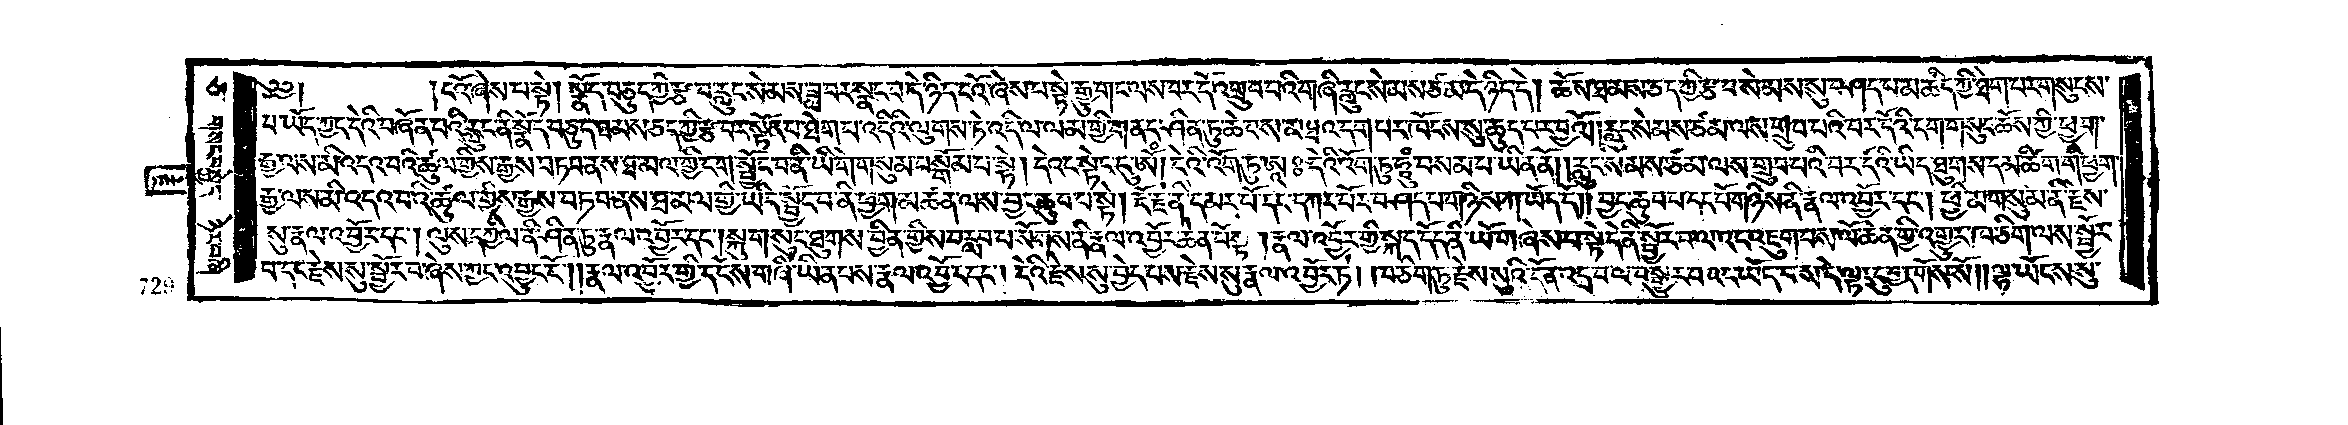༄༅། །ངའོ་ཞེས་པ་སྟེ། སྣོད་བཅུད་ཀྱི་རྩ་བ་རླུང་སེམས་ཟླ་བར་སྣང་བ་དེ་ཉིད་ངའོ་ཞེས་པ་སྟེ་རྒྱུ་གང་ལས་བར་དོ་འགྲུབ་པའི་གཞི་རླུང་སེམས་ཙམ་དེ་ཉིད་དེ། ཆོས་ཐམས་ཅད་ཀྱི་རྩ་བ་སེམས་སུ་བཤད་པ་མཚིད་ཀྱི་ཐེག་པར་གསུངས་
པ་ཡོད་ཀྱང་དེའི་བཞོན་པའི་རླུང་ནི་སྣོད་བཅུད་ཐམས་ཅད་ཀྱི་རྩ་བར་སྟོན་པ་ཐེག་པ་འདིའི་ལུགས་ཏེ་འདི་ལ་ལམ་གྱི་གནད་ཤིན་ཏུ་ཆེ་བས་མཐའ་དག་པར་ཁོངས་སུ་ཆུད་པར་བྱའོ། །རླུང་སེམས་ཙམ་ལས་གྲུབ་པའི་བར་དོའི་ངག་གསུང་ཆོས་ཀྱི་ཕྱག་
རྒྱ་ལས་མི་འདའ་བའི་ཚུལ་གྱིས་རྒྱས་བཏབ་ནས་ཐ་མལ་གྱི་ངག་སྦྱོང་བ་ནི་ཡི་གེ་གསུམ་བསྒོམ་པ་སྟེ། དེའང་སྟེང་དུ་ཨོཾ། དེའི་འོག་ཏུ་ཨཱཿ དེའི་འོག་ཏུ་ཧཱུཾ་བསམ་པ་ཡིན་ནོ། །རླུང་སེམས་ཙམ་ལས་གྲུབ་པའི་བར་དོའི་ཡིད་ཐུགས་དམ་ཚིག་གི་ཕྱག་
རྒྱ་ལས་མི་འདའ་བའི་ཚུལ་གྱིས་རྒྱས་བཏབ་ནས་ཐ་མལ་གྱི་ཡིད་སྦྱོང་བ་ནི་ཕྱག་མཚན་ལས་བྱང་ཆུབ་པ་སྟེ། རྡོ་རྗེ་ནི་དམར་པོ་དང་དཀར་པོར་བཤད་པ་གཉིས་ཀ་ཡོད་དོ། །བྱང་ཆུབ་པ་དང་པོ་གཉིས་ནི་རྣལ་འབྱོར་དང་། ཕྱི་མ་གསུམ་ནི་རྗེས་
སུ་རྣལ་འབྱོར་དང་། ལུས་དཀྱིལ་ནི་ཤིན་ཏུ་རྣལ་འབྱོར་དང་། སྐུ་གསུང་ཐུགས་བྱིན་གྱིས་བརླབ་པ་སོགས་ནི་རྣལ་འབྱོར་ཆེན་པོ་སྟེ། རྣལ་འབྱོར་གྱི་སྐད་དོད་ནི་ཡོ་གཞེས་པ་སྟེ་དེ་ནི་སྦྱོར་བ་ལའང་འཇུག་པས་ལོ་ཆེན་གྱི་འགྱུར་ཁ་ཅིག་ལས་སྦྱོར་
བ་དང་རྗེས་སུ་སྦྱོར་བ་ཞེས་ཀྱང་འབྱུང་ངོ། །རྣལ་འབྱོར་གྱི་དངོས་གཞི་ཡིན་པས་རྣལ་འབྱོར་དང་། དེའི་རྗེས་སུ་བྱེད་པས་རྗེས་སུ་རྣལ་འབྱོར་ཏེ། ཁ་ཅིག་ཏུ་རྗེས་སུའི་དོན་འདྲ་བ་ལ་བསྒྱུར་བའང་ཡོད་པས་དེ་ལྟར་དུ་བྱ་དགོས་སོ། །ལྷ་ཡོངས་སུ་